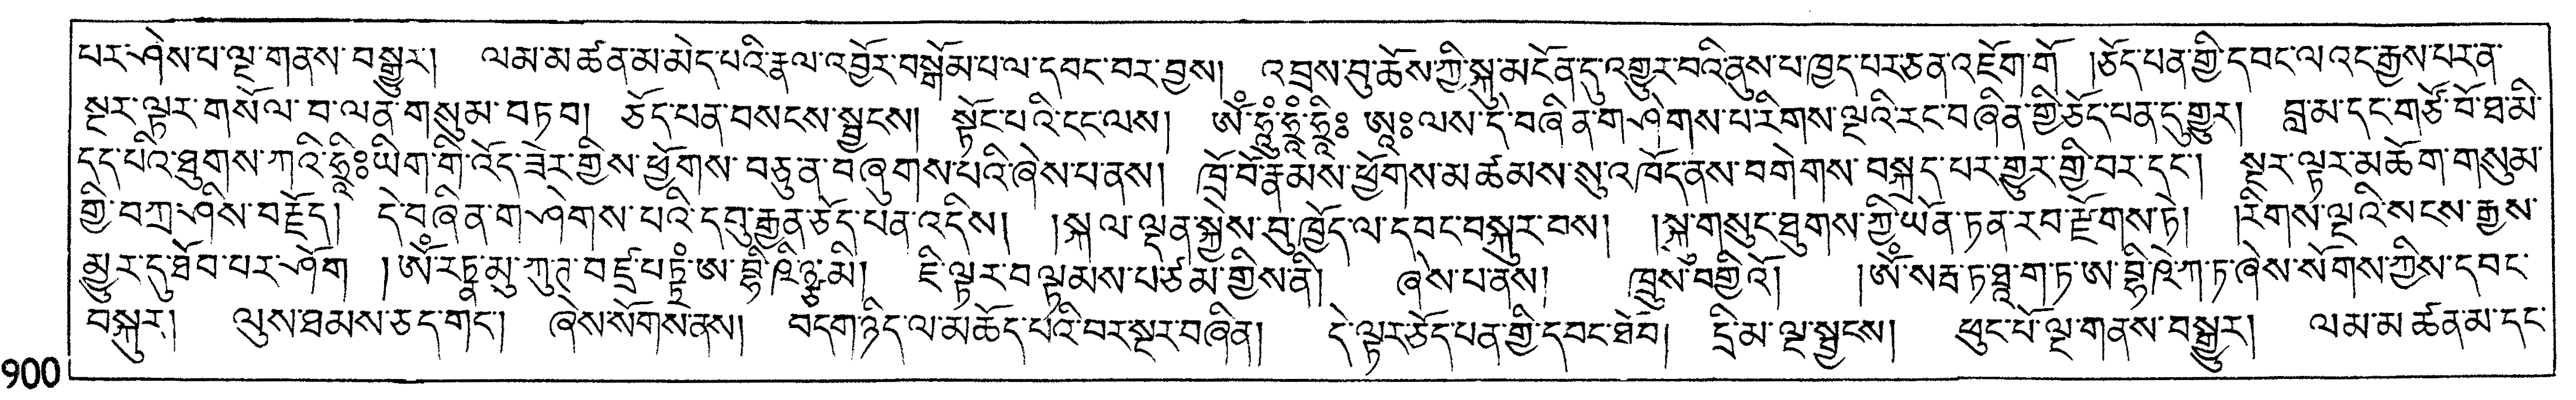པར་ཤེས་པ་ལྔ་གནས་བསྒྱུར། ལམ་མཚན་མ་མེད་པའི་རྣལ་འབྱོར་བསྒོམ་པ་ལ་དབང་བར་བྱས། འབྲས་བུ་ཆོས་ཀྱི་སྐུ་མངོན་དུ་འགྱུར་བའི་ནུས་པ་ཁྱད་པར་ཅན་འཇོག་གོ །ཅོད་པན་གྱི་དབང་ལའང་རྒྱས་པར་ན་
སྔར་ལྟར་གསོལ་བ་ལན་གསུམ་བཏབ། ཅོད་པན་བསངས་སྦྱངས། སྟོང་པའི་ངང་ལས། ཨོཾ་ཧཱུཾ་ཧྲཱཾ་ཧྲཱིཿ ཨཱཿ ལས་དེ་བཞིན་གཤེགས་པ་རིགས་ལྔའི་རང་བཞིན་གྱི་ཅོད་པན་དུ་གྱུར། བླ་མ་དང་གཙོ་བོ་ཐ་མི་
དད་པའི་ཐུགས་ཀའི་ཧྲཱིཿ ཡིག་གི་འོད་ཟེར་གྱིས་ཕྱོགས་བཅུ་ན་བཞུགས་པའི་ཞེས་པ་ནས། ཁྲོ་བོ་རྣམས་ཕྱོགས་མཚམས་སུ་འཁོད་ནས་བགེགས་བསྐྲད་པར་གྱུར་གྱི་བར་དང་། སྔར་ལྟར་མཆོག་གསུམ་
གྱི་བཀྲ་ཤིས་བརྗོད། དེ་བཞིན་གཤེགས་པའི་དབུ་རྒྱན་ཅོད་པན་འདིས། །སྐལ་ལྡན་སྐྱེས་བུ་ཁྱོད་ལ་དབང་བསྐུར་བས། །སྐུ་གསུང་ཐུགས་ཀྱི་ཡོན་ཏན་རབ་རྫོགས་ཏེ། །རིགས་ལྔའི་སངས་རྒྱས་
མྱུར་དུ་ཐོབ་པར་ཤོག །ཨོཾ་རཏྣ་མུ་ཀུ་ཊ་བཛྲ་པཏྟྲཾ་ཨ་བྷི་ཥི་ཉྩ་མི། ཇི་ལྟར་བལྟམས་པ་ཙམ་གྱིས་ནི། ཞེས་པ་ནས། ཁྲུས་བགྱིའོ། །ཨོཾ་སརྦ་ཏ་ཐཱ་ག་ཏ་ཨ་བྷི་ཥེ་ཀ་ཏ་ཞེས་སོགས་ཀྱིས་དབང་
བསྐུར། ལུས་ཐམས་ཅད་གང་། ཞེས་སོགས་ནས། བདག་ཉིད་ལ་མཆོད་པའི་བར་སྔར་བཞིན། དེ་ལྟར་ཅོད་པན་གྱི་དབང་ཐོབ། དྲི་མ་ལྔ་སྦྱངས། ཕུང་པོ་ལྔ་གནས་བསྒྱུར། ལམ་མཚན་མ་དང་